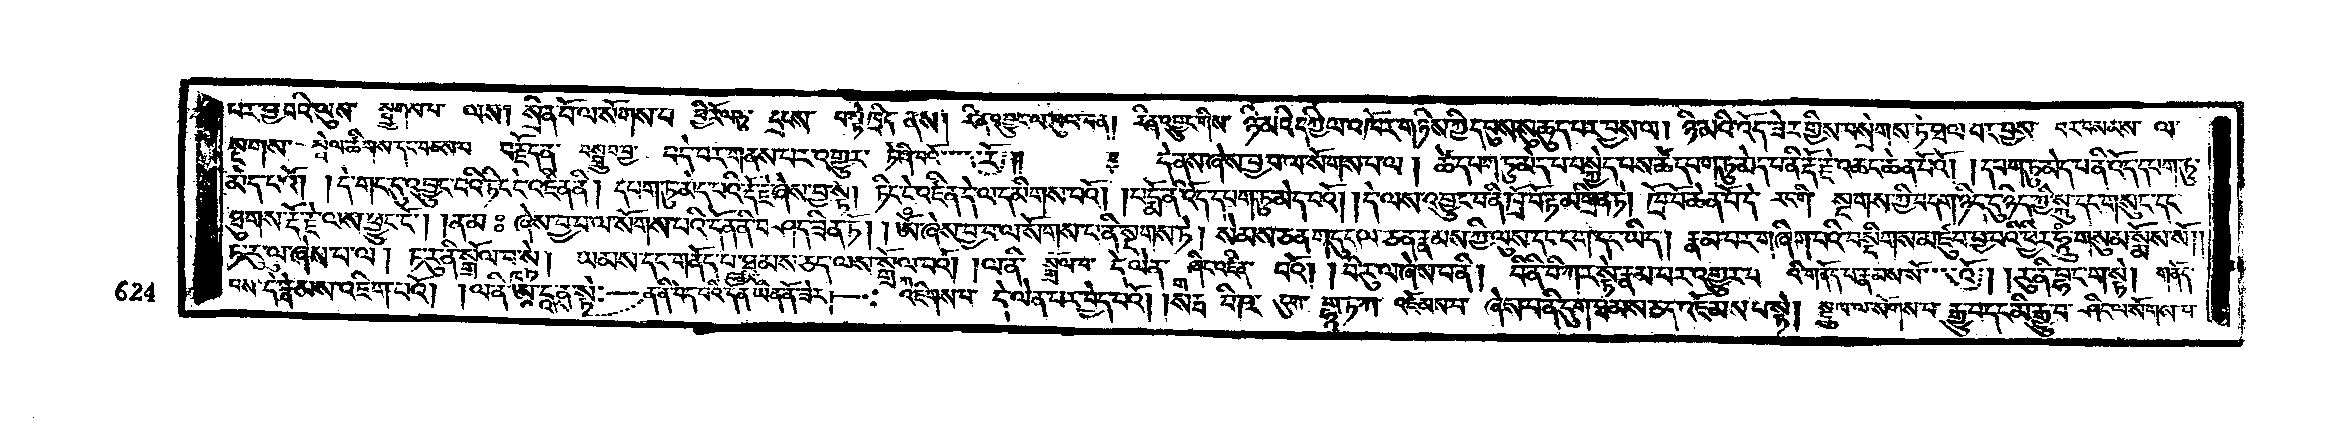པར་བྱ་བའི་ལུས་སྦྲུགས་པ་ལས།  སྲིན་པོ་ལ་སོགས་པ་ཕྱི་རོལ་ཏུ་དྲངས་བ་སྟེ་ཁྲིད་ནས། རིན་འབྱུང་ལ་ཕུལ་བ་ན། རིན་འབྱུང་གིས་ཉི་མའི་དཀྱིལ་འཁོར་གཉིས་ཀྱི་དབུས་སུ་ཆུད་པར་བྱས་ལ། ཉི་མའི་འོད་ཟེར་གྱིས་བསྲེགས་ཏེ་ཐལ་བར་བྱས་པར་བསམས་ལ་
སྔགས་སྤེལ་ཚིགས་དང་བཅས་པ་བརྗོད་ན་བསྒྲུབ་བྱ་བདེ་བར་གནས་པར་འགྱུར་ཏེ་ཞི་བའོ་རོ།། ༈ དེ་ནས་ཞེས་བྱ་བ་ལ་སོགས་པ་ལ། ཚེ་དཔག་ཏུ་མེད་པ་བསྐྱེད་པས་ཚེ་དཔག་ཏུ་མེད་པ་ནི་རྡོ་རྗེ་འཆང་ཆེན་པོའོ། །དཔག་ཏུ་མེད་པ་ནི་འོད་དཔག་ཏུ་
མེད་པའོ། །དེ་གང་དུ་འབྱུང་བའི་ཏིང་ངེ་འཛིན་ནི། དཔག་ཏུ་མེད་པའི་རྡོ་རྗེ་ཞེས་བྱ་སྟེ། ཏིང་ངེ་འཛིན་དེ་ལ་དམིགས་པའོ། །པདམོ་ནི་འོད་དཔག་ཏུ་མེད་པའོ། །དེ་ལས་འབྱུང་བ་ནི་ཁྲོ་བོ་རྟ་མགྲིན་ཏེ། ཁྲོ་བོ་ཆེན་པོ་དེ་རང་གི་སྔགས་ཀྱི་བདག་ཉིད་དུ་ཉིད་ཀྱི་སྐུ་དང་གསུང་དང་
ཐུགས་རྡོ་རྗེ་ལས་ཕྱུང་ངོ། །ན་མཿ ཞེས་བྱ་བ་ལ་སོགས་པའི་དོན་ནི་བཤད་ཟིན་ཏོ། །ཨོཾ་ཞེས་བྱ་བ་ལ་སོགས་པ་ནི་སྔགས་ཏེ། སེམས་ཅན་གདུག་པ་ཅན་རྣམས་ཀྱི་ལུས་དང་ངག་དང་ཡིད། རྣམ་པར་གཞིག་པའི་བསྡིགས་མཛུབ་བྱ་བའི་ཕྱིར་ཧཱུཾ་གསུམ་སྨོས་སོ། །
ཏ་རུ་ལ་ཞེས་པ་ལ། ཏ་རུ་ནི་སྒྲོལ་བ་སྟེ། ཡམས་དང་གནོད་པ་ཐམས་ཅད་ལས་སྒྲོལ་བའོ། །ལ་ནི་སྒྲོལ་བ་དེ་ལེན་ཞིང་འཛིན་པའོ། །བི་རུ་ལ་ཞེས་པ་ནི། བི་ནི་བི་ཀ་ར་སྟེ་རྣམ་པར་འགྱུར་པའི་གནོད་པ་རྣམས་སོ་འོ། །རུ་ནི་བྷང་ག་སྟེ། གནོད་
པ་དེ་རྣམས་འཇིག་པའོ། །ལ་ནི་ཁ྄་ཨཱ་དཱ་ན་སྟེ་H.་ན་ནི་བོད་པའི་པ་ཚབ་དོན་ཡིན་ནོ་ཟེར། .H ཀ་འཇིགས་པ་དེ་ལེན་པར་བྱེད་པའོ། །ག྄་སརྦ་བིཥ་དུག་གྷཱ་ཏ་ཀ་འཇོམས་པ་ཞེས་པ་ནི་དུག་ཐམས་ཅད་འཇོམས་པ་སྟེ། སྦྲུལ་ལ་སོགས་པ་རྒྱུ་བ་དང་མི་རྒྱུ་བ་ཤིང་ལ་སོགས་པ